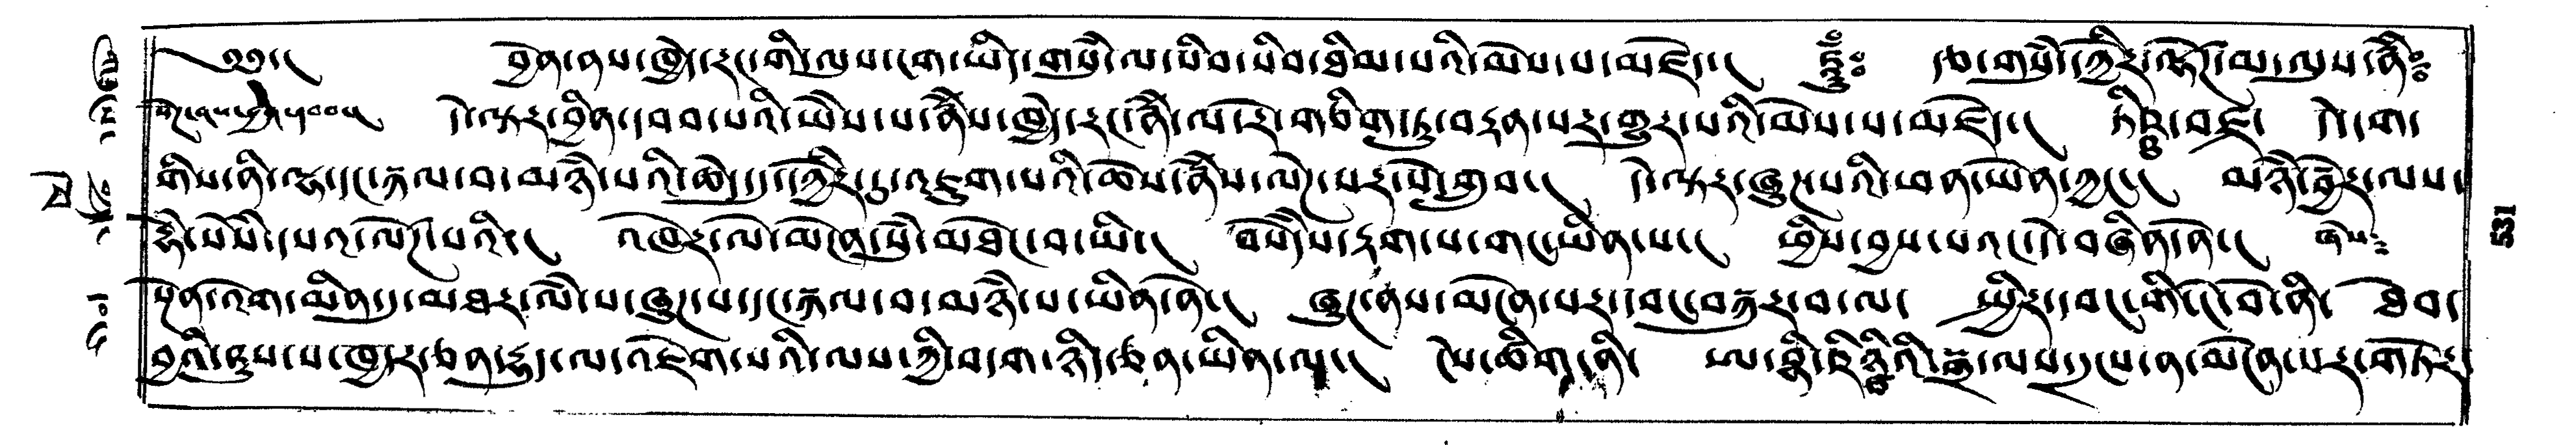བྱོན་ནས་ཁྱེད་རང་གི་ལུས་ངག་ཡིད་གསུམ་ལ་སིབ་སིབ་ཐིམ་པའི་མོས་པ་མཛོད།ཧཱུྃ༔ རྩ་གསུམ་དཀྱིལ་འཁོར་ལྷ་ཚོགས་མ་ལུས་རྣམས༔ 
སོགས་ནས་བྱིན་དབབ། དེ་ལྟར་བྱིན་དབབ་པའི་ཡེ་ཤེས་པ་རྣམས་ཁྱེད་རང་རྣམས་ལ་རོ་གཅིག་ཏུ་བརྟན་པར་གྱུར་པའི་མོས་པ་མཛོད། ཏིཥྛ་བཛྲ། དེ་དག་
གིས་ནི་ལྷ་དང་སྐལ་བ་མཉམ་པའི་ཆེད་དུ་དཀྱིལ་འཁོར་དུ་འཇུག་པའི་ཆོས་རྣམས་ལེགས་པར་གྲུབ་བོ།། དེ་ལྟར་ཞུགས་པའི་ཕན་ཡོན་ཡང་། མཉམ་སྦྱོར་ལས་
རྡོ་རྗེ་སེམས་དཔའ་ལ་སོགས་པའི། །འཁོར་ལོ་མངོན་སུམ་མཐོང་བ་ཡི། །བསོད་ནམས་རྟག་པ་གང་ཡིན་པ། །ཕྱིས་བྱས་པའང་དེ་བཞིན་ནོ།། ཞེས༴ 
སྔོན་འོག་མིན་དུ་ཐར་ལམ་ལ་ཞུགས་པ་དང་སྐལ་བ་མཉམ་པ་ཡིན་ནོ།། ཞུགས་ནས་མངོན་པར་དབང་བསྐུར་བ་ལ། སྤྱིར་དབང་གི་ངོ་བོ་ནི། ཐོབ་
བྱའི་ནུས་པ་ཁྱད་པར་ཅན་རྒྱུད་ལ་འཇོག་པའི་ལས་ཀྱི་བདག་ཉིད་ཅན་ཡིན་ལ། ངེས་ཚིག་ནི། ཨབྷི་རིཉྩའི་སྒྲ་ལས་དྲངས་ན་མངོན་པར་གཏོར་